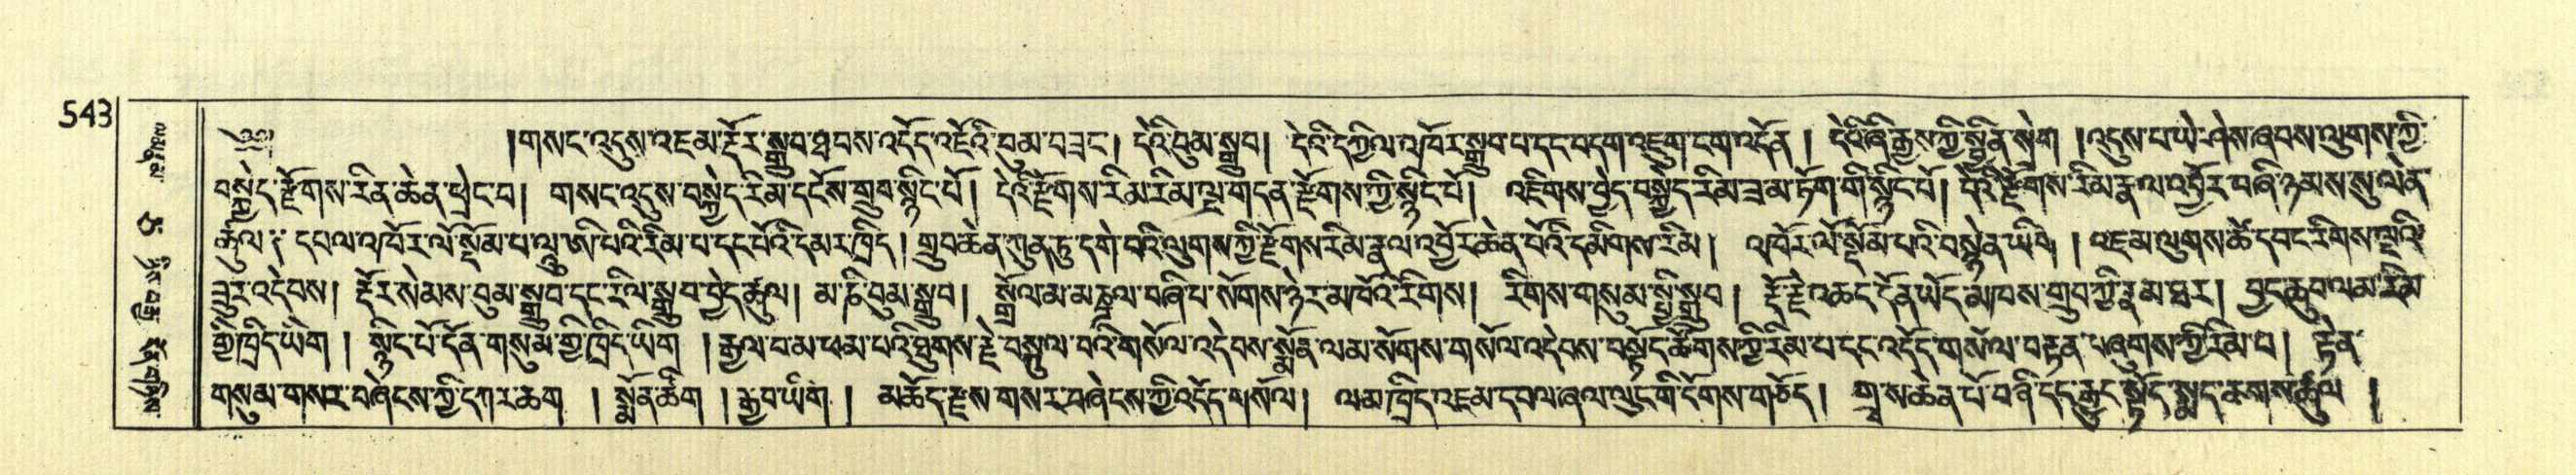༄༅། །གསང་འདུས་འཇམ་རྡོར་སྒྲུབ་ཐབས་འདོད་འཇོའི་བུམ་བཟང་། དེའི་བུམ་སྒྲུབ། དེའི་དཀྱིལ་འཁོར་སྒྲུབ་པ་དང་བདག་འཇུག་ངག་འདོན། དེའི་ཞི་རྒྱས་ཀྱི་སྦྱིན་སྲེག །འདུས་པ་ཡེ་ཤེས་ཞབས་ལུགས་ཀྱི་
བསྐྱེད་རྫོགས་རིན་ཆེན་ཕྲེང་བ། གསང་འདུས་བསྐྱེད་རིམ་དངོས་གྲུབ་སྙིང་པོ། དེའི་རྫོགས་རིམ་རིམ་ལྔ་གདན་རྫོགས་ཀྱི་སྙིང་པོ། འཇིགས་བྱེད་བསྐྱེད་རིམ་ཟ་མ་ཏོག་གི་སྙིང་པོ། དེའི་རྫོགས་རིམ་རྣལ་འབྱོར་བཞི་ཉམས་སུ་ལེན་
ཚུལ༑ ༑དཔལ་འཁོར་ལོ་སྡོམ་པ་ལཱུ་ཨི་པའི་རིམ་པ་དང་པོའི་དམར་ཁྲིད། གྲུབ་ཆེན་ཀུན་ཏུ་དགེ་བའི་ལུགས་ཀྱི་རྫོགས་རིམ་རྣལ་འབྱོར་ཆེན་པོའི་དམིགས་རིམ། འཁོར་ལོ་སྡོམ་པའི་བསྙེན་ཡིག །འཇམ་ལུགས་ཚེ་དབང་རིགས་ལྔའི་
ཟུར་འདེབས། རྡོར་སེམས་བུམ་སྒྲུབ་དང་རིལ་སྒྲུབ་བྱེད་ཚུལ། མ་ཎི་བུམ་སྒྲུབ། སྒྲོལ་མ་མཎྜལ་བཞི་པ་སོགས་ཉེར་མཁོའི་རིགས། རིགས་གསུམ་སྤྱི་སྒྲུབ། རྡོ་རྗེ་འཆང་དོན་ཡོད་མཁས་གྲུབ་ཀྱི་རྣམ་ཐར། བྱང་ཆུབ་ལམ་རིམ་
གྱི་ཁྲིད་ཡིག། སྙིང་པོ་དོན་གསུམ་གྱི་ཁྲིད་ཡིག །རྒྱལ་བ་མ་ཕམ་པའི་ཐུགས་རྗེ་བསྐུལ་བའི་གསོལ་འདེབས་སྨོན་ལམ་སོགས་གསོལ་འདེབས་ལྟར་བསྟོད་ཚོགས་ཀྱི་རིམ་པ་དང་འདོད་གསོལ་བརྟན་བཞུགས་ཀྱི་རིམ་པ། རྟེན་
གསུམ་གསར་བཞེངས་ཀྱི་དཀར་ཆག །སྨོན་ཚིག །རྒྱབ་ཡིག། མཆོད་རྫས་གསར་བཞེངས་ཀྱི་འདོད་གསོལ། ལམ་ཁྲིད་འཇམ་དཔལ་ཞལ་ལུང་གི་ངོགས་གཅོད། གྲྭ་ས་ཆེན་པོ་བཞི་དང་རྒྱུད་སྟོང་སྨད་ཆགས་ཚུལ།